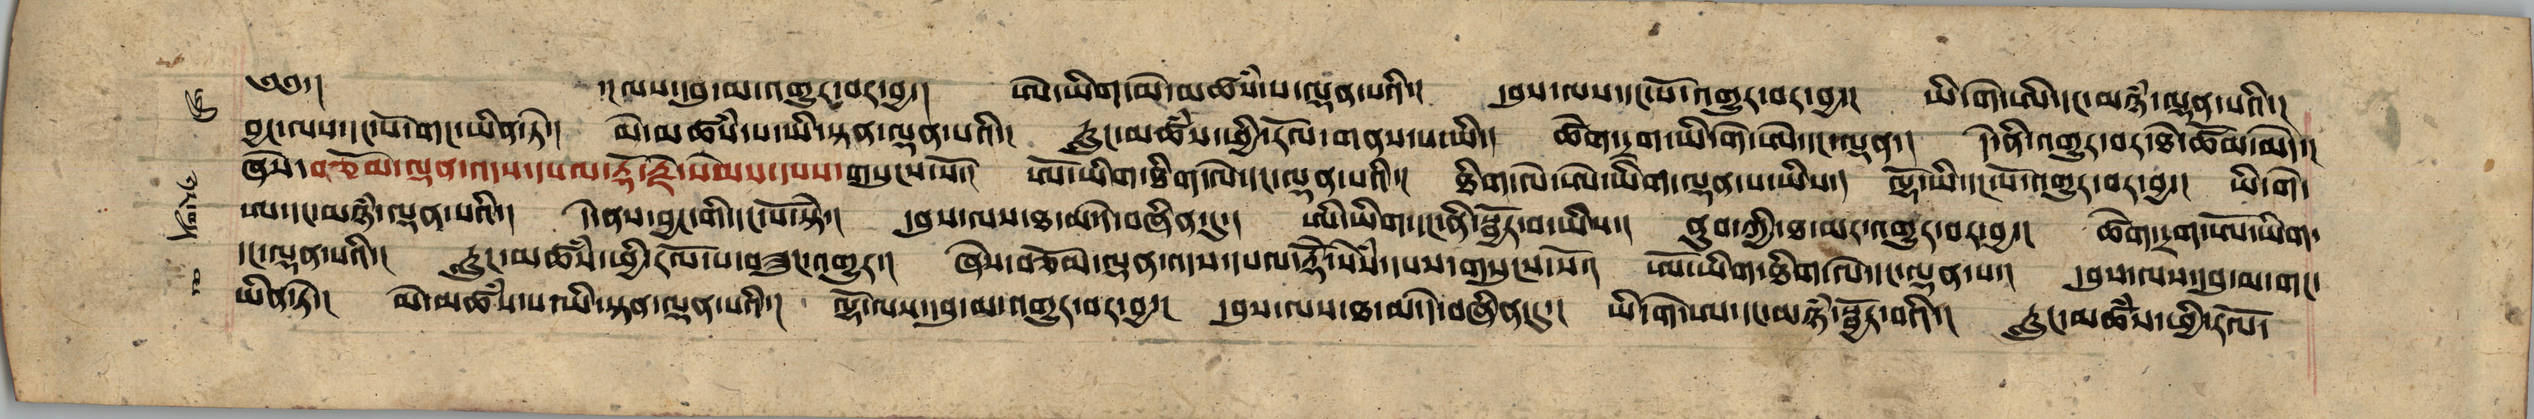༄༅་། ་།ལས་དབུ་མ་འགྱུར་བར་བྱ་། ཨེ་ཡིག་མེ་མཚཾས་པ་ལྡན་པའི་། དབུས་ལས་དང་པོ་འགྱུར་བར་བྱ་། ཡི་གེ་ཨི་དང་མཉཾ་ལྡན་པའི་།
བྱང་ལས་དང་པོ་གང་ཡིན་ཏེ་། མེ་མཚཾས་པ་ཡི་སྟན་ལྡན་པའི་། རླུང་མཚཾས་ཕྱི་རོལ་གནས་པ་ཡི་། ཚེག་དྲག་ཡི་གེ་ཨེ་དང་ལྡན་། དེ་ནི་འགྱུར་བར་ཐེ་ཚོམ་མེད་།
ཞེས་བཅོམ་ལྡན་འདས་དཔལ་རྡོ་རྗེ་སེམས་དཔས་གསུངས་སོ་། ཨོ་ཡིག་ཐིག་ལེ་དང་ལྡན་པའི་། ཐིག་ལེ་ཨེ་ཡིག་ལྡན་པ་ཡིས་། ལྷོ་ཡི་དང་པོ་འགྱུར་བར་བྱ་། ཡི་གེ་
ཨ་དང་མཉཾ་ལྡན་པའི་། དེ་ནས་བྱང་གི་དང་པོ་སྟེ་། དབུས་ལས་ཐ་མ་དེ་བཞིན་དུ་། ཨི་ཡིག་དང་ནི་སྦྱོར་བ་ཡིས་། ནུབ་ཀྱི་ཐ་མར་འགྱུར་བར་བྱ་། ཚེག་དྲག་ཨོ་ཡིག་
དང་ལྡན་པའི་། རླུང་མཚཾས་ཕྱི་རོལ་པ་བཟུང་འགྱུར་། ཞེས་བཅོམ་ལྡན་འདས་དཔལ་རྡོེ་སེཾས་དཔས་གསུངས་སོ་། ཨོ་ཡིག་ཐིག་ལེ་དང་ལྡན་པ་། དབུས་ལས་དབུ་མ་གང་
ཡིན་ཏེ་། མེ་མཚཾས་པ་ཡི་སྟན་ལྡན་པའི་། ལྷོ་ལས་དབུ་མ་འགྱུར་བར་བྱ་། དབུས་ལས་ཐ་མ་དེ་བཞིན་དུ་། ཡི་གེ་ཨ་དང་མཉཾ་སྦྱོར་བའི་། རླུང་མཚཾས་ཕྱི་རོལ་